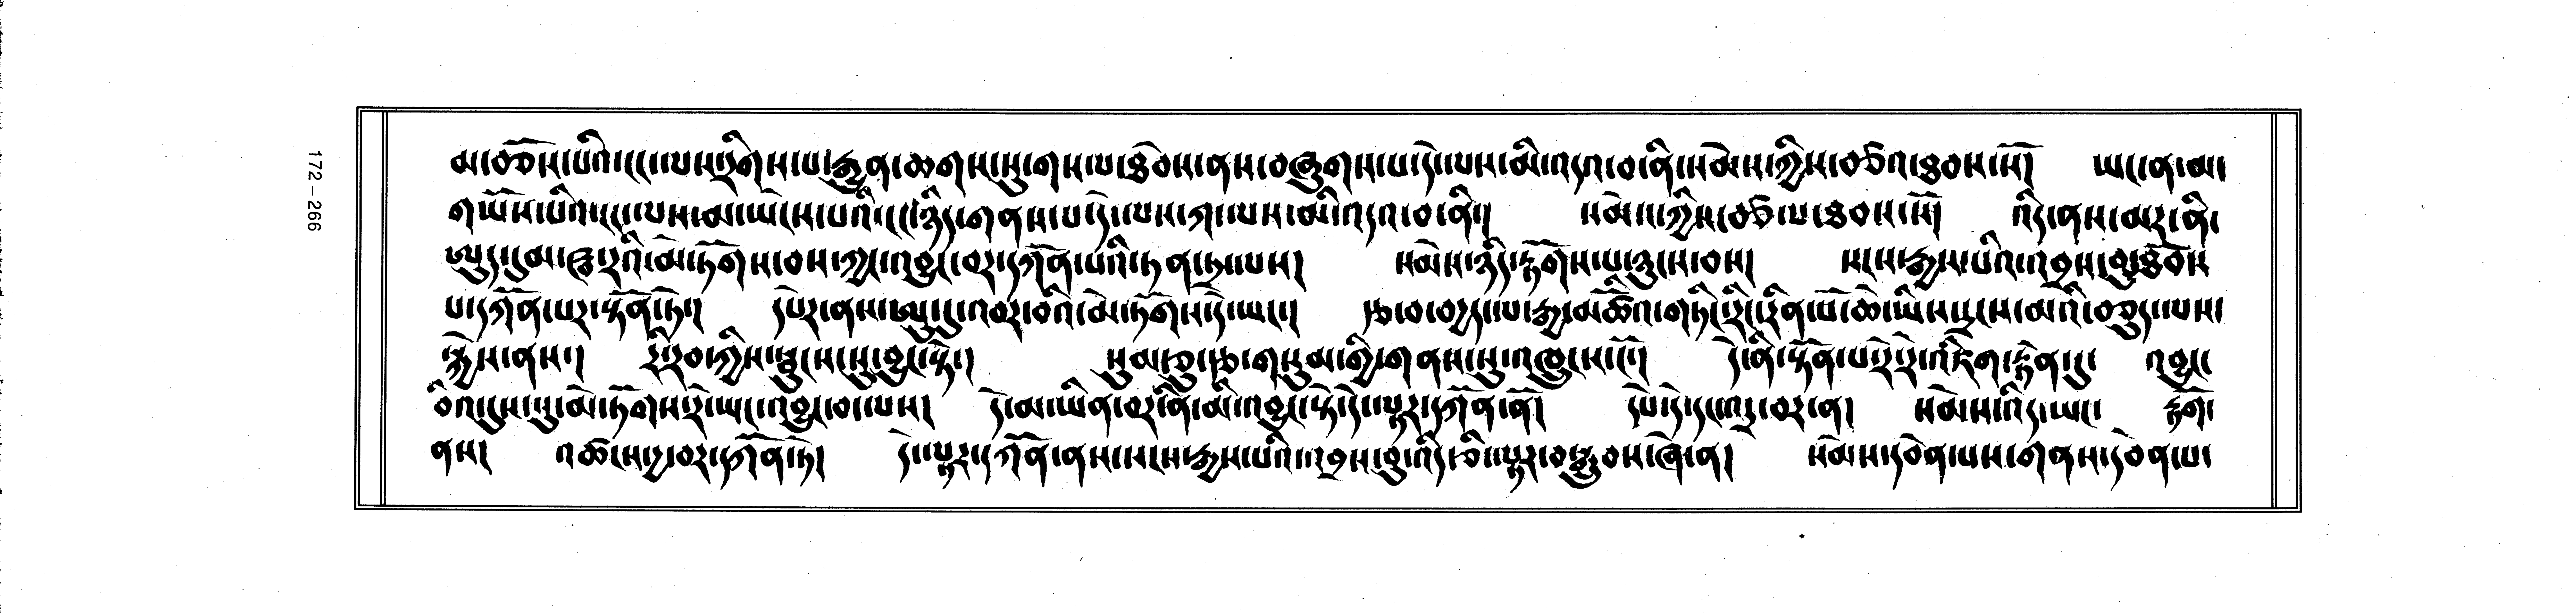མ་བཅོས་པའི་ངང་ལས་རིག་པ་རྒྱུན་ཆགས་སུ་གསལ་ཐེབས་ནས་བཞུགས་པ་དེ་ལས་མི་འདའ་བ་ནི་སེམས་ཀྱིས་བཙའ་ཐབས་སོ། ཡང་ན་མ་
གཡོས་པའི་ངང་ལས་མ་གཡེངས་པའི་ངང་ཉིད་གནས་པ་དེ་ལས་ཀ་（བཀའ་）ལས་མི་འདའ་བ་ནི། སེམས་ཀྱིས་བཙལ་ཐབས་སོ། འདི་ནས་མར་ནི་
ཨུད་དུམ་ཝ་རའི་མེ་ཏོག་བས་ཀྱང་འབྱུང་བར་དཀོན་པའི་ཏན་ཏྲ་ལས། སེམས་ཉིད་རྟོགས་པ་ཉུངས་བས། སངས་རྒྱས་པའི་འབྲས་བུ་ཐོབས་
པ་དཀོན་པར་སྟོན་ཏེ། དཔེར་ནས་ཨུ་དུ་འབར་བའི་མེ་ཏོག་དེ་ཡང་། རྩ་བ་བརྒྱད་ལ་རྒྱ་མཚོའི་གཏིང་རིང་རིན་པོ་ཆེ་ཡིས་དྲངས་མའི་བཅུད་ལས་
སྐྱེས་ནས། རི་རབ་ཀྱིས་སྦུངས་སུ་བྱུང་སྟེ། སུམ་ཅུ་གསུམ་གྱི་གནས་སུ་འཁྲུངས་ངོ་། དེ་ནི་སྟོན་པ་རེ་རེ་འཇིག་རྟེན་དུ། འབྱུང་
བའི་དུས་སུ་མེ་ཏོག་རེ་ཡང་འབྱུང་བ་ལས། དེ་མ་ཡིན་བར་ནི་མི་འབྱུང་སྟེ་དེ་ལྟར་དཀོན་ནོ། དཔེ་དེ་དང་འདྲ་བར་ན། སེམས་འདི་ཡང་རྟོགས་
ནས། འཚངས་རྒྱ་བར་དཀོན་ཏེ། དེ་ལྟར་དཀོན་ནས་སངས་རྒྱས་པའི་འབྲས་བུ་འདི་ཅི་ལྟར་བསྒྲུབས་ཞེ་ན། སེམས་དབེན་པས་གནས་དབེན་པ་